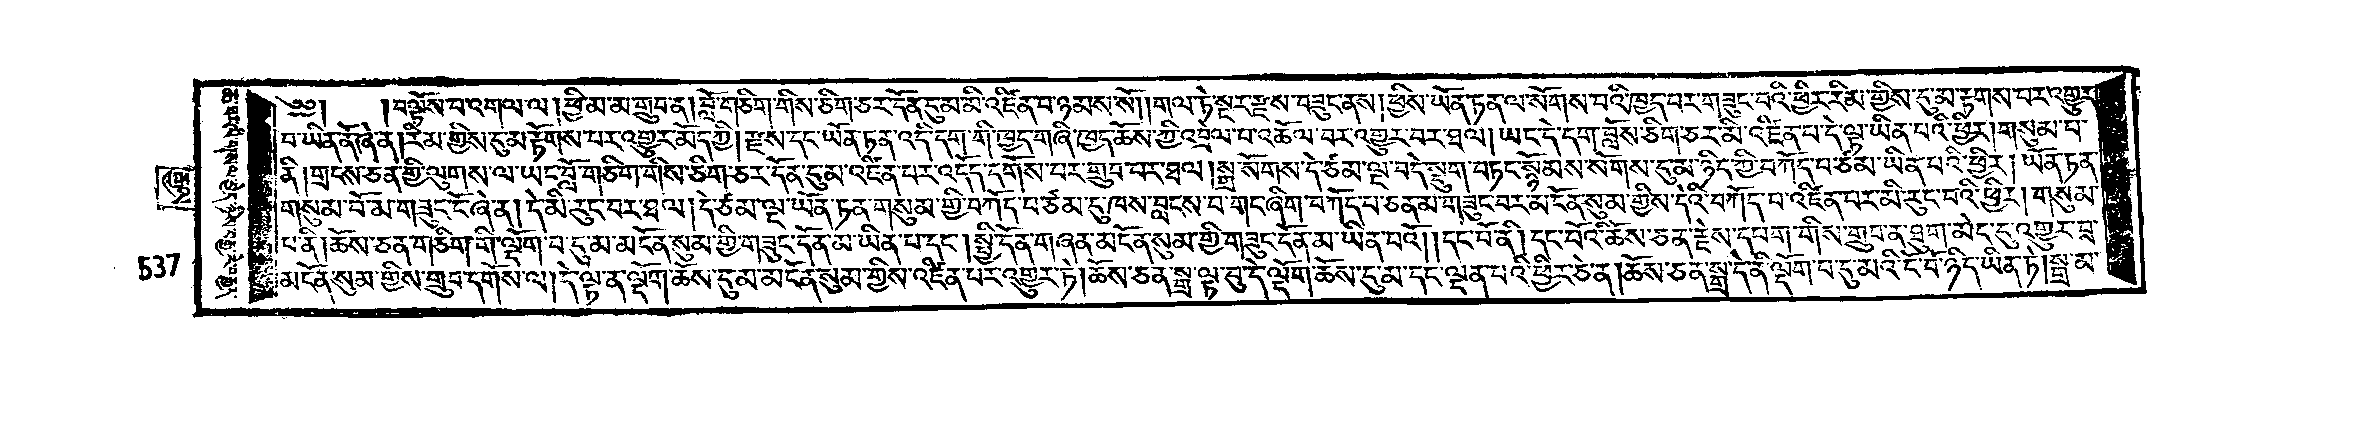༄༅། །བལྟོས་པ་འགལ་ལ། ཕྱི་མ་མ་གྲུབ་ན། བློ་གཅིག་གིས་ཅིག་ཅར་དོན་དུ་མ་མི་འཛིན་པ་ཉམས་སོ། །གལ་ཏེ་སྔར་རྫས་བཟུང་ནས། ཕྱིས་ཡོན་ཏན་ལ་སོགས་པའི་ཁྱད་པར་གཟུང་བའི་ཕྱིར་རིམ་གྱིས་དུ་མ་རྟགས་པར་འགྱུར་
བ་ཡིན་ནོ་ཞེ་ན། རིམ་གྱིས་དུ་མ་རྟོགས་པར་འགྱུར་མོད་ཀྱི། རྫས་དང་ཡོན་ཏན་འདི་དག་གི་ཁྱད་གཞི་ཁྱད་ཆོས་ཀྱི་འབྲེལ་བ་འཚོལ་?་བར་འགྱུར་བར་ཐལ། ཡང་དེ་དག་བློས་ཅིག་ཅར་མི་འཛིན་པ་དེ་ལྟ་ཡིན་པའི་ཕྱིར། གསུམ་པ་
ནི། གྲངས་ཅན་གྱི་ལུགས་ལ་ཡང་བློ་གཅིག་གིས་ཅིག་ཅར་དོན་དུ་མ་འཛིན་པར་འདོད་དགོས་པར་གྲུབ་པར་ཐལ། སྒྲ་སོགས་དེ་ཙམ་ལྔ་བདེ་སྡུག་བཏང་སྙོམས་སོགས་དུ་མ་ཉིད་ཀྱི་བཀོད་པ་ཙམ་ཡིན་པའི་ཕྱིར། ཡོན་ཏན་
གསུམ་པོ་མ་གཟུང་ངོ་ཞེ་ན། དེ་མི་རུང་བར་ཐལ། དེ་ཙམ་ལྔ་ཡོན་ཏན་གསུམ་གྱི་བཀོད་པ་ཙམ་དུ་ཁས་བླངས་པ་གང་ཞིག་བཀོད་པ་ཅན་མ་གཟུང་བར་མངོན་སུམ་གྱིས་དེའི་བཀོད་པ་འཛིན་པར་མི་རུང་བའི་ཕྱིར། གསུམ་
པ་ནི། ཆོས་ཅན་གཅིག་གི་ལྡོག་པ་དུ་མ་མངོན་སུམ་གྱི་གཟུང་དོན་མ་ཡིན་པ་དང་། སྤྱི་དོན་གཞན་མངོན་སུམ་གྱི་གཟུང་དོན་མ་ཡིན་པའོ། །དང་པོ་ནི། དང་པོའི་ཆོས་ཅན་རྗེས་དཔག་གིས་གྲུབ་ན་ཐུག་མེད་དུ་འགྱུར་བས་
མངོན་སུམ་གྱིས་གྲུབ་དགོས་ལ། དེ་ལྟ་ན་ལྡོག་ཆོས་དུ་མ་མངོན་སུམ་གྱིས་འཛིན་པར་འགྱུར་ཏེ། ཆོས་ཅན་སྒྲ་ལྟ་བུ་དེ་ལྡོག་ཆོས་དུ་མ་དང་ལྡན་པའི་ཕྱིར་ཅེ་ན། ཆོས་ཅན་སྒྲ་དེ་ནི་ལྡོག་པ་དུ་མའི་ངོ་བོ་ཉིད་ཡིན་ཏེ། སྒྲ་མ་